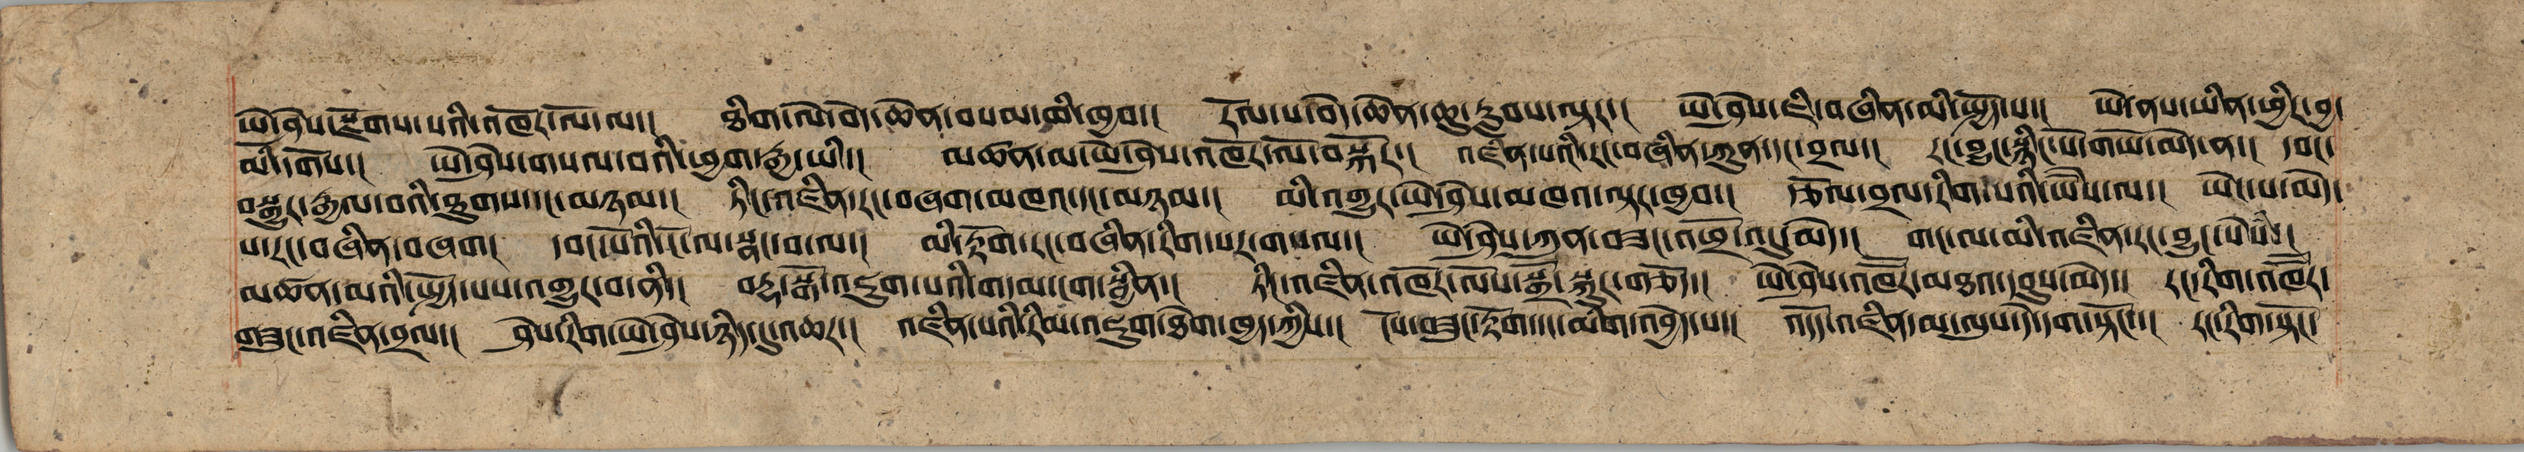ཡེ་ཤེས་སྫོགས་པའི་འཁོར་ལོ་ལ་། ཐིག་ལེ་བདེ་ཆེན་བསམ་མི་ཁྱབ་། རོལ་པ་བདེ་ཆེན་ཆུ་རླབས་ལྟར་། ཡེ་ཤེས་ཇི་བཞིན་མི་སྤྱོད་པ་། ཡེ་ནས་ཡིན་ཕྱིར་བྱ་
མི་དགོས་། ཡེ་ཤེས་གསལ་བའི་ཕྱག་རྒྱ་ཡི་། མཚན་མ་ཡེ་ཤེས་འཁོར་ལོ་བསྐོར་། འཛིན་པའི་རང་བཞིན་ཀུན་དང་བྲལ་། རང་བྱུང་སྙིང་པོ་གཡོ་མེད་ན་། དབང་
བསྒྱུར་རྒྱལ་བའི་ཐུགས་དང་མཉམ་། ཏིང་འཛིན་རང་བཞག་མཁའ་དང་མཉམ་། མི་འགྱུར་ཡེ་ཤེས་མཁའ་ལྟར་ཁྱབ་། རྩོལ་བྲལ་རིག་པའི་ཡཻས་ལ་། ཡེང་པ་མེད་
པ་རང་བཞིན་བཞག། དབང་པོའི་ངོ་ལ་སྣང་བ་ལ་། མི་རྟོག་རང་བཞིན་རིག་པར་གསལ་། ཡེ་ཤེས་ཀུན་བཟང་འཕྲོ་འདུ་མེད་། གང་ལ་མི་འཛིན་རང་བྱུང་སེཾས་།
མཚན་མའི་སྤྱོད་པས་འགྱུར་བ་ནི་། བརྡ་སྒོ་འཇུག་པའི་གདམ་ངག་སྦྱིན་། ཏིང་འཛིན་འཁོར་ལོས་སྒྲོ་སྐུར་གཅོད་། ཡེ་ཤེས་འཁཽར་མཐའ་དབུས་མེད་། རང་རིག་འཁོཽར་
གཟུང་འཛིན་བྲལ་། ཤེས་རིག་ཡེ་ཤེས་ཉིད་དུ་འཆར་། འཛིན་པའི་རིམ་འཇུག་ཐེག་ཁྱད་ཀྱིས་། ངོས་བཟུང་རྟོག་དང་མིག་འབྱེད་པ་། འདོད་འཛིན་མ་ལུས་དེ་དག་སྟོང་། རང་རིག་སྟོང་